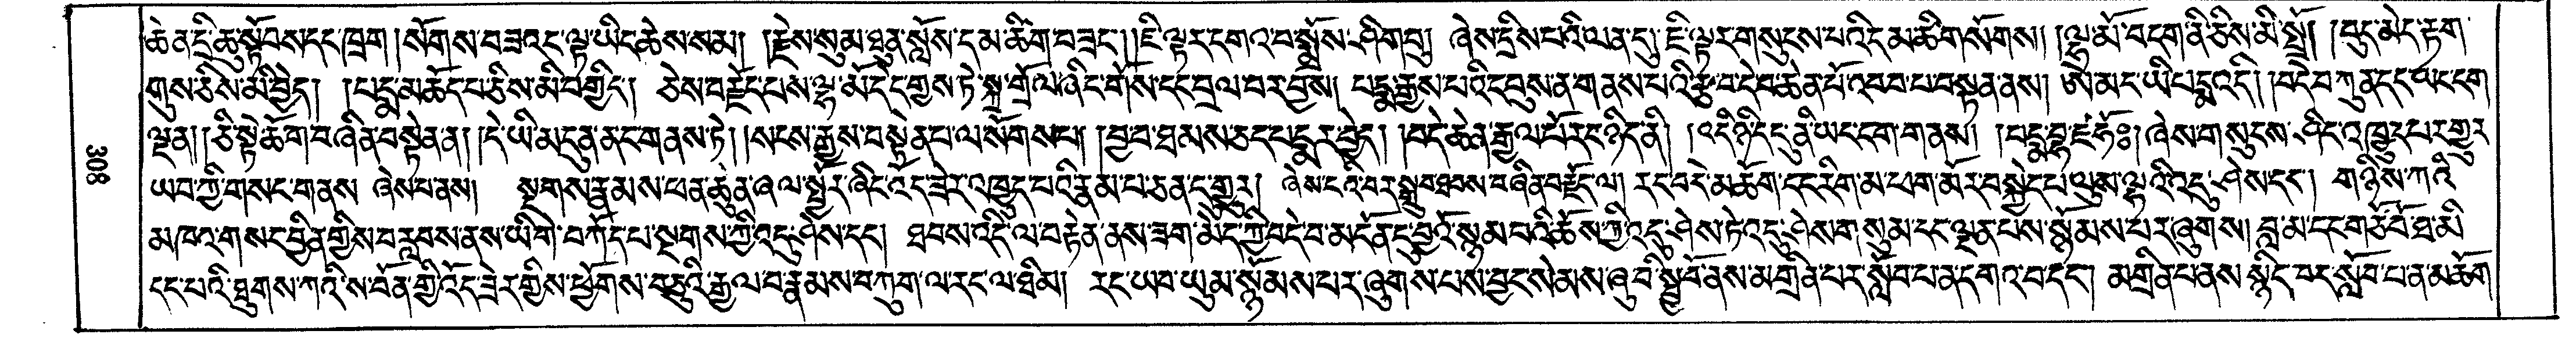ཆེན་དྲི་ཆུ་སྟོབས་དང་ཁྲག །སོགས་བཟའ་ད་ལྟ་ཡིད་ཆེས་སམ། །རྗེས་སུ་མཐུན་སྨྲོས་དམ་ཚིག་བཟང་། །ཇི་ལྟར་དགའ་བ་སྨྲོས་ཤིག་བུ། ཞེས་དྲིས་པའི་ལན་དུ། ཇི་ལྟར་གསུངས་པའི་དམ་ཚིག་སོགས། །ལྷ་མོ་བདག་ནི་ཅིས་མི་སྤྲོ། །བུད་མེད་རྟག་
གུས་ཅིས་མི་བྱེད། །པདམ་མཆོད་པ་ཅིས་མི་བགྱིད། ཅེས་བརྗོད་པས་ལྷ་མོ་དེ་དགྱེས་ཏེ་སྐྲ་གྲོལ་ཞིང་གོས་དང་བྲལ་བར་བྱས། པདམ་རྒྱས་པའི་དབུས་ན་གནས་པའི་རྩ་བདེ་བ་ཆེན་པོ་འབབ་པ་བསྟན་ནས། ཨེ་མ་ང་ཡི་པདམ་འདི། །བདེ་བ་ཀུན་དང་ཡང་དག་
ལྡན༑ ༑ཅི་སྟེ་ཆོ་ག་བཞིན་བསྟེན་ན། །དེ་ཡི་མདུན་ན་ང་གནས་ཏེ། །སངས་རྒྱས་བསྟེན་པ་ལ་སོགས་པ། །བྱ་བ་ཐམས་ཅད་པདམར་བྱེད། །བདེ་ཆེན་རྒྱལ་པོ་རང་ཉིད་ནི། །འདི་ཉིད་དུ་ནི་ཡང་དག་གནས། །པདམ་བྷ་ཛ་ཧོཿ ཞེས་གསུངས་ཤིང་འཁྱུད་པར་གྱུར་
ཡབ་ཀྱི་གསང་གནས་ཞེས་པ་ནས། སྔགས་རྣམས་ཕན་ཚུན་ཞལ་སྦྱོར་ཞིང་འོད་ཟེར་འཁྱུད་པའི་རྣམ་པ་ཅན་དུ་གྱུར། ཞེས་པའི་བར་སྒྲུབ་ཐབས་བཞིན་བརྗོད་ལ། རང་བདེ་མཆོག་དང་རིག་མ་ཕག་མོར་བསྐྱེད་པ་ལུས་ལྷའི་འདུ་ཤེས་དང་། གཉིས་ཀའི་
མཁའ་གསང་བྱིན་གྱིས་བརླབས་ནས་ཡི་གེ་བཀོད་པ་སྔགས་ཀྱི་འདུ་ཤེས་དང་། ཐབས་འདི་ལ་བརྟེན་ནས་ཟག་མེད་ཀྱི་བདེ་བ་མངོན་དུ་བྱའོ་སྙམ་པའི་ཆོས་ཀྱི་འདུ་ཤེས་ཏེ་འདུ་ཤེས་གསུམ་དང་ལྡན་པས་སྙོམས་པར་ཞུགས། བླ་མ་དང་གཙོ་བོ་ཐ་མི་
དད་པའི་ཐུགས་ཀའི་ས་བོན་གྱི་འོད་ཟེར་གྱིས་ཕྱོགས་བཅུའི་རྒྱལ་བ་རྣམས་བཀུག་ལ་རང་ལ་ཐིམ། རང་ཡབ་ཡུམ་སྙོམས་པར་ཞུགས་པས་བྱང་སེམས་ཞུ་བ་སྦྱི་བོ་ནས་མགྲིན་པར་སླེབ་པ་ན་དགའ་བ་དང་། མགྲིན་པ་ནས་སྙིང་ཁར་སླེབ་པ་ན་མཆོག་